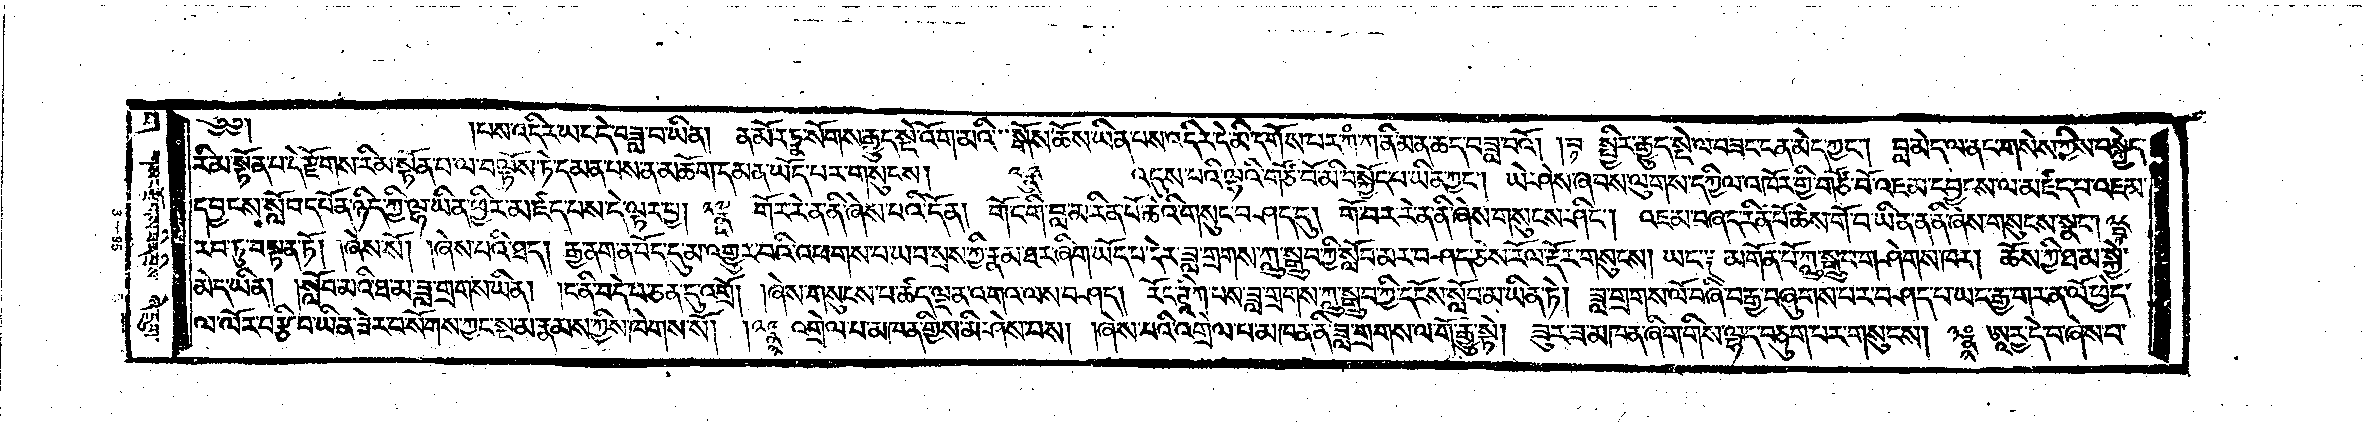༄༅། །པས་འདིར་ཡང་དེ་བཟླ་བ་ཡིན། ན་མོ་རཏྣ་སོགས་རྒྱུད་སྡེ་འོག་མའི་སོགས་ཆོས་ཡིན་པས་འདིར་དེ་མི་དགོས་པར་ཀཾ་ཀ་ནི་མན་ཆད་བཟླ་བའོ། །བ༡་སྤྱིར་རྒྱུད་སྡེ་ལ་བཟང་ངན་མེད་ཀྱང་། བླ་མེད་ལ་ནང་གསེས་ཀྱིས་བསྐྱེད་
རིམ་སྟོན་པ་དེ་རྫོགས་རིམ་སྟོན་པ་ལ་བལྟོས་ཏེ་དམན་པས་ན་མཆོག་དམན་ཡོད་པར་གསུངས། ༢༢ན༦་འདུས་པའི་ལྷའི་གཙོ་བོ་མི་བསྐྱོད་པ་ཡིན་ཀྱང་། ཡེ་ཤེས་ཞབས་ལུགས་དཀྱིལ་འཁོར་གྱི་གཙོ་བོ་འཇམ་དབྱངས་ལ་མཛད་པ་འཇམ་
དབྱངས་སློབ་དཔོན་ཉིད་ཀྱི་ལྷ་ཡིན་ཕྱིར་མཛད་པས་དེ་ལྟར་བྱ། ༢༧ན༥་གོར་རེ་ན་ནི་ཞེས་པའི་དོན། གོང་གི་བླ་མ་རིན་པོ་ཆེའི་གསུང་བཤད་དུ། གོ་བར་རེ་ན་ནི་ཞེས་གསུངས་ཤིང་། འཇམ་བཞད་རིན་པོ་ཆེས་གོ་བ་ཡིན་ན་ནི་ཞེས་གསུངས་སྣང་། ༢༨བ༡
རབ་ཏུ་བསྟན་ཏོ། །ཞེས་སོ། །ཞེས་པའི་ཐད། རྒྱ་ནག་ན་བོད་དུ་མ་འགྱུར་པའི་འཕགས་པ་ཡབ་སྲས་ཀྱི་རྣམ་ཐར་ཞིག་ཡོད་པ་དེར་ཟླ་གྲགས་ཀླུ་སྒྲུབ་ཀྱི་སློབ་མར་བཤད་ཅེས་རོལ་རྡོར་གསུངས། ཡང༑ མགོན་པོ་ཀླུ་སྒྲུབ་གཤེགས་ཁར། ཆོས་ཀྱི་ཐ་མ་སྐྱེ་
མེད་ཡིན། །སློབ་མའི་ཐ་མ་ཟླ་གྲགས་ཡིན། །ང་ནི་བདེ་བ་ཅན་དུ་འགྲོ། །ཞེས་གསུངས་པ་ཚད་ལྡན་འགའ་ལས་བཤད། རོང་ཊཱིཀ་པས་ཟླ་གྲགས་ཀླུ་སྒྲུབ་ཀྱི་དངོས་སློབ་མ་ཡིན་ཏེ། ཟླ་གྲགས་ལོ་བཞི་བརྒྱ་བཞུགས་པར་བཤད་པ་ཡང་རྒྱ་གར་ན་ལོ་ཕྱེད་
ལ་ལོར་བརྩི་བ་ཡིན་ཟེར་པ་སོགས་ཀྱང་སྔ་མ་རྣམས་ཀྱིས་ཁེགས་སོ། །༢༩ན༣་འགྲེལ་པ་མཁན་གྱིས་མི་ཤེས་པས། །ཞེས་པའི་འགྲེལ་པ་མཁན་ནི་ཟླ་གྲགས་ལ་གོ་རྒྱུ་སྟེ། ཟུར་ཟ་མཁན་ཞིག་གིས་ལྷད་བཅུག་པར་གསུངས། ༣༠ན༢་ཨཱརྱ་དེ་བ་ཞེས་པ་